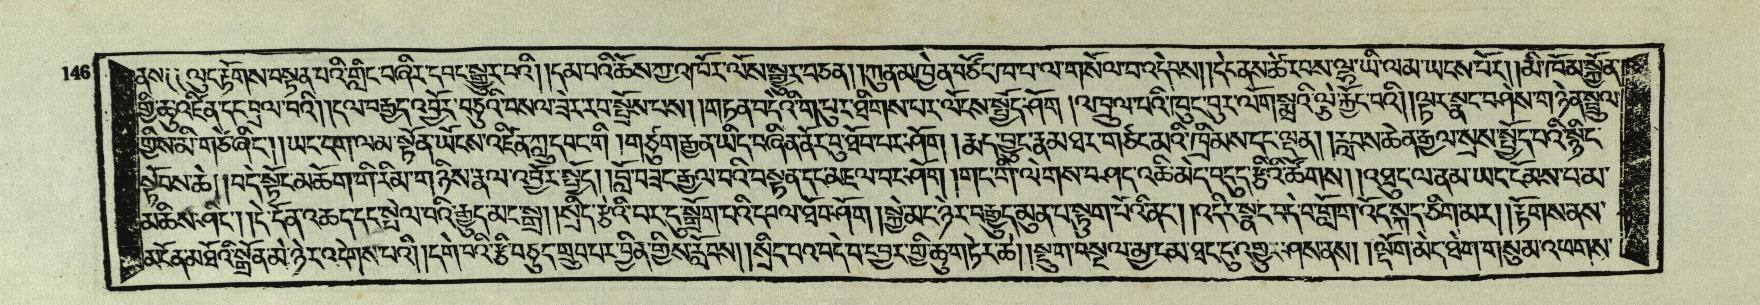ནས༑ ༑ལུང་རྟོགས་བསྟན་པའི་གླིང་བཞིར་དབང་སྒྱུར་བའི། །དམ་པའི་ཆོས་ཀྱ་འཁོར་ལོས་སྒྱུར་བཅན། །ཀུན་མཁྱེན་བཙོང་ཁ་པ་ལ་གསོལ་བ་འདེབས། །དེང་ནས་ཚེ་རབས་ལྷ་ཡི་ལམ་ཡངས་པོར། །མི་ཁོམ་སྐྱོན་
གྱི་ཆུ་འཛིན་དང་བྲལ་བའི། །དལ་བརྒྱད་འབྱོར་བཅུའི་བསལ་ཟེར་རབ་སྤྲོས་པས། །གཏན་བདེའི་ག་པུར་ཐིགས་པར་ལོངས་སྤྱོད་ཤོག །འཁྲུལ་པའི་ཁུང་བུར་ལོག་སྨྲའི་ལྕེ་རྐྱོང་བའི། །ལྟར་སྣང་བཤེས་གཉེན་སྤྲུལ་
གྱིས་མི་གཙེ་ཞིང་། །ཡང་དག་ལམ་སྟོན་ཡོངས་འཛིན་ཀླུ་དབང་གི །གཙུག་རྒྱན་ཡིད་བཞིན་ནོར་བུ་ཐོབ་པར་ཤོག །རྨད་བྱུང་རྣམ་ཐར་གཙང་མའི་ཁྲིམས་དང་ལྡན། །རླབས་ཆེན་རྒྱལ་སྲས་སྤྱོད་པའི་སྙིང་
སྟོབས་ཆེ། །བདེ་སྟོང་མཆོག་གི་རིམ་གཉིས་རྣལ་འབྱོར་སྤྱོད། །བློ་བཟང་རྒྱལ་བའི་བསྟན་དང་མཇལ་བར་ཤོག །གང་གི་ལེགས་བཤད་འཆི་མེད་འདུད་རྩིའི་ཚོགས། །འཐུང་ལ་ནམ་ཡང་ངོམས་པ་མ་
མཆིས་ཤིང་། །དེ་དོན་འཆད་དང་སྤེལ་བའི་རྒྱུད་མང་སྒྲ། །སྲིད་རྩེའི་བར་དུ་སྒྲོག་པའི་དཔལ་ཐོབ་ཤོག །སྐྱེ་མང་ཉེར་བརྒྱུད་མུན་པ་སྟུག་པོའི་ནང་། །འདིར་སྣང་བདེ་བ་གློག་འོད་སྐད་ཅིག་མར། །རྟོགས་ནས་
མངོན་མཐོའི་སྒྲོན་མེ་ཉེར་འདེགས་པའི། །དགེ་བའི་རྩི་བཅུད་གྲུབ་པར་བྱིན་གྱིས་རློབས། །སྲིད་པའ་བདེ་བ་དབྱར་གྱི་ཆུ་གཏེར་ཆེ། །སྡུག་བསྔལ་མྱ་ངམ་ཐང་དུ་འགྱུར་ཤས་ནས། །ལྡོག་མེད་ཐེག་གསུམ་འཕགས་